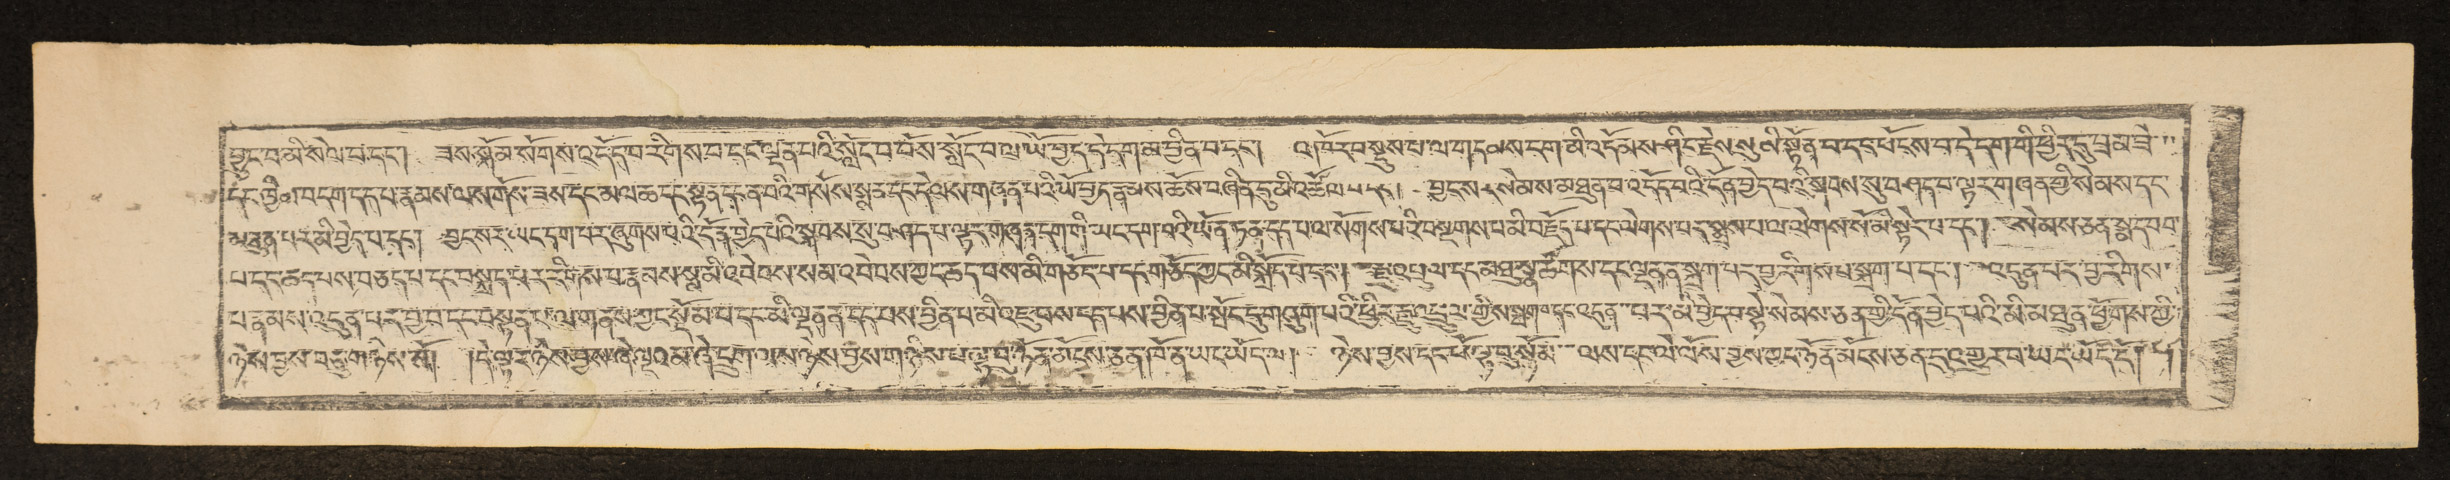བྱུང་བ་མི་སེལ་བ་དང་། ཟས་སྐོམ་སོགས་འདོད་པ་རིགས་པ་དང་ལྡན་པའི་སློང་པ་པོས་སློང་བ་ལ་ཡོ་བྱད་དེ་དག་མ་བྱིན་པ་དང་། འཁོར་བསྡུས་པ་ལ་གདམས་ངག་མི་འདོམས་ཤིང་རྗེས་སུ་མི་སྟོན་པ་དང་ཕོངས་པ་དེ་དག་གི་ཕྱིར་དུ་བྲམ་ཟེ་
དང་ཁྱིམ་བདག་དད་པ་རྣམས་ལས་གོས་ཟས་དང་མལ་ཆ་དང་སྟན་དང་ན་བའི་གསོས་སྨན་དང་དེ་ལས་གཞན་པའི་ཡོ་བྱད་རྣམས་ཆོས་བཞིན་དུ་མི་འཚོལ་བ་དང་། བྱང་སར་སེམས་མཐུན་པ་འདོད་པའི་དོན་བྱེད་པའི་སྐབས་སུ་བཤད་པ་ལྟར་གཞན་གྱི་སེམས་དང་
མཐུན་པར་མི་བྱེད་པ་དང་། བྱང་སར་ཡང་དག་པར་ཞུགས་པའི་དོན་བྱེད་པའི་སྐབས་སུ་བཤད་པ་ལྟར་གཞན་དག་གི་ཡང་དག་བའི་ཡོན་ཏན་དད་པ་ལ་སོགས་པའི་བསྔགས་པ་མི་བརྗོད་པ་དང་ལེགས་པར་སྨྲས་པ་ལ་ལེགས་སོ་མི་སྟེར་བ་དང་། སེམས་ཅན་སྨད་བབ་
པ་དང་ཚད་པས་བཅད་པ་དང་བསྐྲད་པར་རིགས་པ་རྣམས་སྨ་མི་འབེབས་སམ་འབེབས་ཀྱང་ཆད་པས་མི་གཅོད་པ་དང་གཅོད་ཀྱང་མི་སྐྲོད་པ་དང་། རྫུ་འཕྲུལ་དང་མཐུ་སྣ་ཚོགས་དང་ལྡན་ན་སྐྲག་པར་བྱ་རིགས་པ་སྐྲག་པ་དང་། འདུན་པར་བྱ་རིགས་
པ་རྣམས་འདུན་པར་བྱ་བ་དང་བསྟན་པ་ལ་གནས་ཀྱང་སྔོམ་པ་དང་མི་ལྡན་ན་དད་པས་བྱིན་པ་མི་འཇུ་བས་དད་པས་བྱིན་པ་སྤོང་དུ་གཞུག་པའི་ཕྱིར་རྫུ་འཕྲུལ་གྱིས་སྐྲག་བ་དང་འདུན་པར་མི་བྱེད་པ་སྟེ་སེམས་ཅན་གྱི་དོན་བྱེད་པའི་མི་མཐུན་ཕྱོགས་ཀྱི་
ཉེས་བྱས་བཅུ་གཉིས་སོ། །དེ་ལྟར་ཉེས་བྱས་ཞེ་ལྔའམ་ཞེ་དྲུག་ལས་ཉེས་བྱས་གཉིས་པ་ལྟ་བུ་ཉོན་མོངས་ཅན་ཁོ་ན་ཡང་ཡོད་ལ། ཉེས་བྱས་དང་པོ་ལྟ་བུ་སྙོམ་ལས་དང་ལེ་ལོས་བྱས་ཀྱང་ཉོན་མོངས་ཅན་དུ་འགྱུར་བ་ཡང་ཡོད་དོ། །